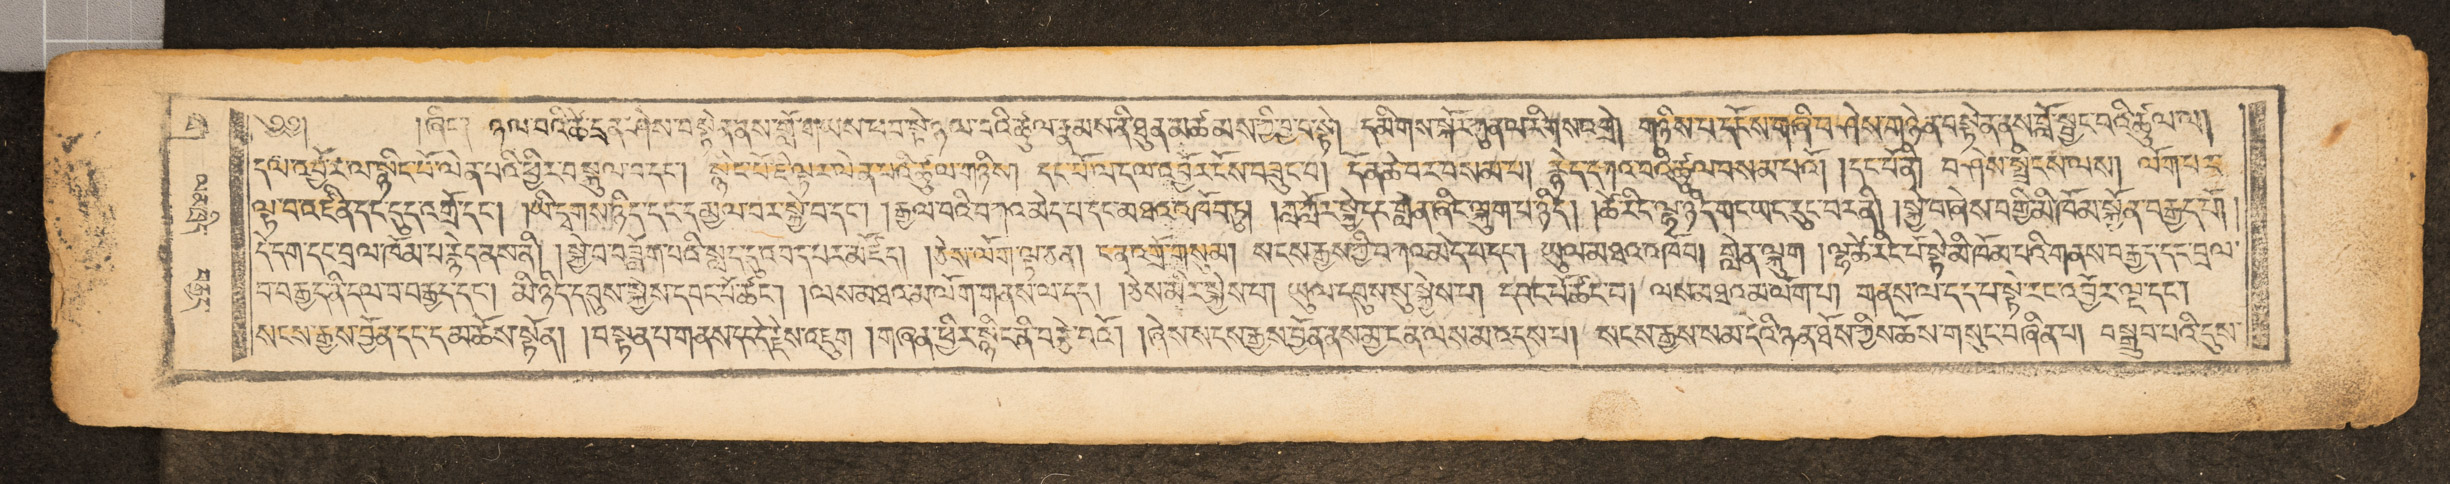༄༅། །ཞིང༑ ཉལ་བའི་ཚེ་དྲན་ཤེས་བསྟེན་ནས་གློ་གཡས་ཕབ་སྟེ་ཉལ་བའི་ཚུལ་རྣམས་རི་ཐུན་མཚམས་ཀྱི་བྱ་བ་སྟེ། དམིགས་སྐོར་ཀུན་ལ་རིགས་འགྲེ། གཉིས་པ་དངོས་གཞི་བཤེས་གཉེན་བསྟེན་ནས་བློ་སྦྱང་ངའི་ཚུལ་ལ།
དལ་འབྱོར་ལ་སྙིང་པོ་ལེན་པའི་ཕྱིར་བསྐུལ་བ་དང་། སྙིང་པོ་ཇི་ལྟར་ལེན་པའི་ཚུལ་གཉིས། དང་པོ་ལ་དལ་འབྱོར་ངོས་བཟུང་བ། དོན་ཆེ་བར་བསམ་པ། རྙེད་དཀའ་བའི་ཚུལ་བསམ་པའོ། །དང་པོ་ནི། བཤེས་སྤྲིངས་ལས། ལོག་པར་
ལྟ་བ་འཛིན་དང་དུད་འགྲོ་དང་། །ཡི་དྭགས་ཉིད་དང་དམྱལ་བར་སྐྱེ་བ་དང་། །རྒྱལ་བའི་བཀའ་མེད་པ་དང་མཐའ་འཁོབ་ཏུ། །ཀླ་ཀློར་སྐྱེ་དང་གླེན་ཞིང་ལྐུག་པ་ཉིད། །ཚེ་རིང་ལྷ་ཉིད་གང་ཡང་རུང་བར་ནི། །སྐྱེ་བ་ཞེས་བགྱི་མི་ཁོ་བ་སྐྱོན་བརྒྱད་པོ།།
དེ་དག་དང་བྲལ་ཁོམ་པ་རྙེད་ནས་ནི། །སྐྱེ་བ་བཟློག་པའི་སླད་དུ་འབད་པར་མཛོད། །ཅེས་ལོག་ལྟ་ཅན། ངན་འགྲོ་གསུམ། སངས་རྒྱས་ཀྱི་བཀའ་མེད་པ་དང་། ཡུལ་མཐའ་འཁོབ། གླེན་ལྐུག །ལྷ་ཚེ་རིང་པོ་སྟེ་མི་ཁོམ་པའི་གནས་བརྒྱད་དང་བྲལ་
པ་བརྒྱད་ནི་དལ་བ་བརྒྱད་དང་། མི་ཉིད་དབུས་སྐྱེས་དབང་པོ་ཚང་། །ལས་མཐའ་མ་ལོག་གནས་ལ་དད། །ཅེས་མིར་སྐྱེས་པ། ཡུལ་དབུས་སུ་སྐྱེས་པ། དབང་པོ་ཚང་བ། ལས་མཐའ་མ་ལོག་པ། གནས་ལ་དད་པ་སྟེ་རང་འབྱོར་ལྔ་དང་།
སངས་རྒྱས་བྱོན་དང་དམ་ཆོས་སྟོན། །བསྟན་པ་གནས་དང་དེ་རྗེས་འཇུག །གཞན་ཕྱིར་སྙིང་ནི་བརྩེ་བའོ། །ཞེས་སངས་རྒྱས་བྱོན་ནས་མྱ་ངན་ལས་མ་འདས་པ། སངས་རྒྱས་སམ་དེའི་ཉན་ཐོས་ཀྱིས་ཆོས་གསུང་བཞིན་པ། བསྒྲུབ་པའི་དུས་